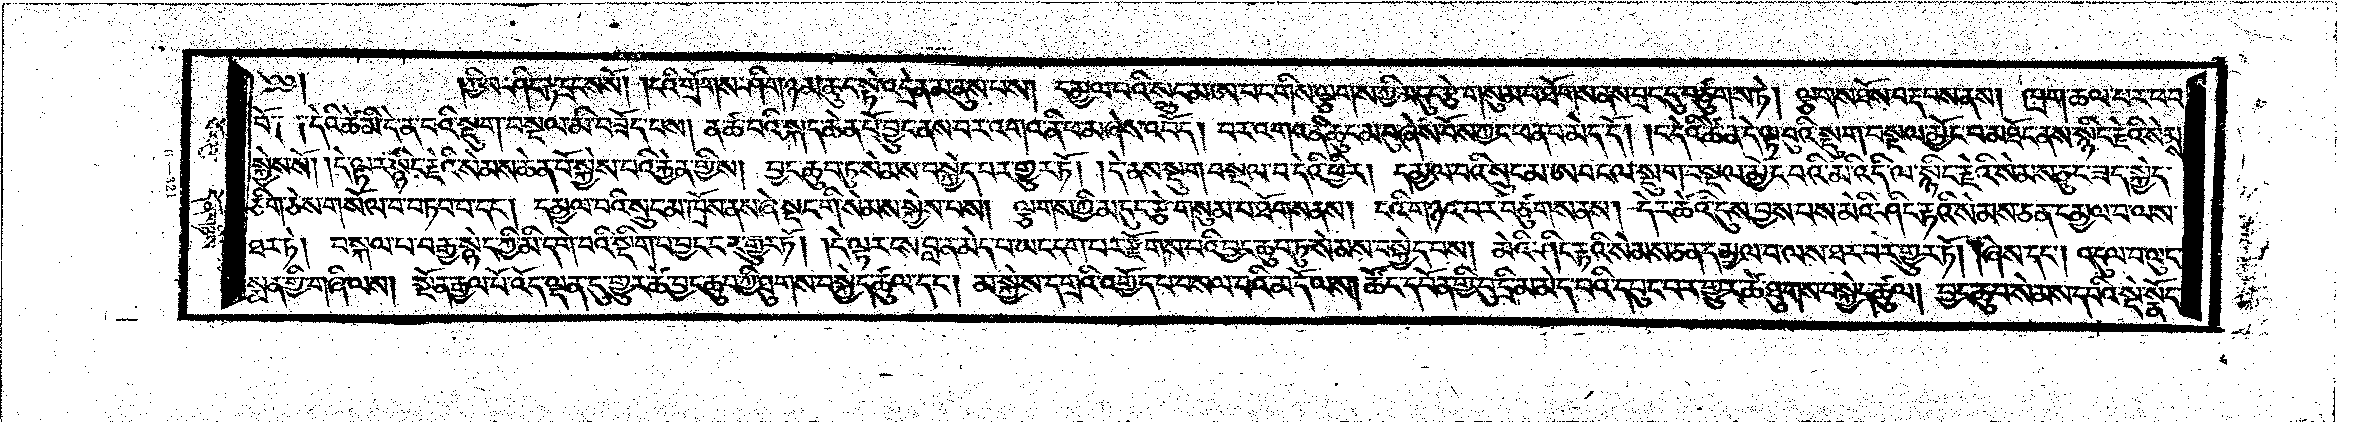༄༅། །ཀྱིས་ཤིང་རྟ་དྲངས་སོ། །ངའི་གྲོགས་ཤིག་ཉམ་ཆུང་སྟེ་འདྲེན་མ་ནུས་པས། དམྱལ་བའི་སྲུང་མ་ཨ་བང་གིས་ལྕགས་ཀྱི་མདུད་རྩེ་གསུམ་པ་ཐོགས་ནས་བྲང་དུ་བཙུགས་ཏེ། ལྕགས་ཐོས་བརྡབས་ནས། ཁྲག་ཆལ་པར་ཕབ་
བོ༑ ༑དེའི་ཚེ་མི་དེ་ན་བའི་སྡུག་བསྔལ་མི་བཟོད་པས། ན་ཚ་བའི་སྐད་ཆེན་པོ་བྱུང་ནས་བར་འགའ་ནི་ཕ་མ་ཞེས་འབོད། བར་འགའ་ནི་ཆུང་མ་བུ་ཞེས་བོས་ཀྱང་ཕན་པ་མེད་དོ། །བདེའི་ཚེ་ན་དེ་ལྟ་བུའི་སྡུག་བསྔལ་མྱོང་བར་མཐོང་ནས་སྙིང་རྗེའི་སེམས་
སྐྱེས་སོ། །དེ་ལྟར་སྙིང་རྗེའི་སེམས་ཆེན་པོ་སྐྱེས་པའི་རྐྱེན་གྱིས། བྱང་ཆུབ་ཏུ་སེམས་བསྐྱེད་པར་གྱུར་ཏོ། །དེ་ནས་སྡུག་བསྔལ་བ་དེའི་ཕྱིར། དམྱལ་བའི་སྲུང་མ་ཨ་བང་ལ་སྡུག་བསྔལ་མྱོང་བའི་མི་འདི་ལ་སྙིང་རྗེའི་སེམས་ཅུང་ཟད་སྐྱེད་
ཅིག་ཅེས་གསོལ་བ་བཏབ་པ་དང་། དམྱལ་བའི་སྲུང་མ་ཁྲོས་ནས་ཞེ་སྡང་གི་སེམས་སྐྱེས་པས། ལྕགས་ཀྱི་མདུད་རྩེ་གསུམ་པ་ཐོགས་ནས། ངའི་གཉའ་བར་བཙུགས་ནས། དེར་ཚེའི་དུས་བྱས་པས་མེའི་ཤིང་རྟའི་སེམས་ཅན་དམྱལ་བ་ལས་
ཐར་ཏེ། བསྐལ་པ་བརྒྱ་སྙེད་ཀྱི་མི་དགེ་བའི་སྡིག་པ་བྱང་བར་རྒྱུར་ཏོ། །དེ་ལྟར་ངས་བླ་ན་མེད་པ་ཡང་དག་པར་རྫོགས་པའི་བྱང་ཆུབ་ཏུ་སེམས་བསྐྱེད་པས། མེའི་ཤིང་རྟའི་སེམས་ཅན་དམྱལ་བ་ལས་ཐར་བར་གྱུར་ཏོ། །ཞེས་དང་། འདུལ་བ་ལུང་
སྨན་གྱི་གཞི་ལས། སྔོན་རྒྱལ་པོ་འོད་ལྡན་དུ་གྱུར་ཚེ་བྱང་ཆུབ་ཀྱི་ཐུགས་བསྐྱེད་ཚུལ་དང་། མ་སྐྱེས་དགྲའི་འགྱོད་པ་བསལ་བའི་མདོ་ལས། ཚོང་དབོན་གྱི་བུ་དྲི་མ་མེད་པའི་དཔུང་བར་གྱུར་ཚེ་ཐུགས་བསྐྱེད་ཚུལ། བྱང་ཆུབ་སེམས་དཔའི་སྡེ་སྣོད་